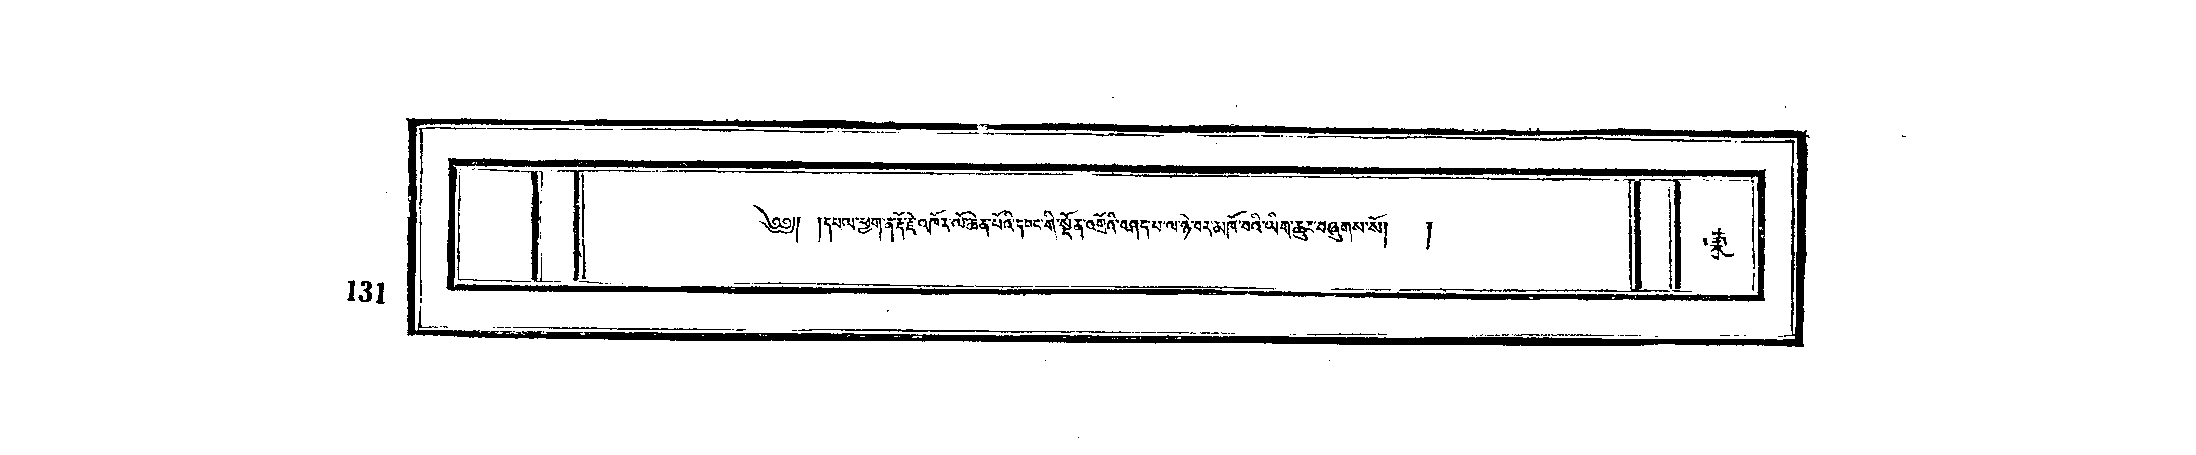༄༅། །དཔལ་ཕྱག་ན་རྡོ་རྗེ་འཁོར་ལོ་ཆེན་པོའི་དབང་གི་སྔོན་འགྲོའི་བཤད་པ་ལ་ཉེ་བར་མཁོ་བའི་ཡིག་ཆུང་བཞུགས་སོ།།